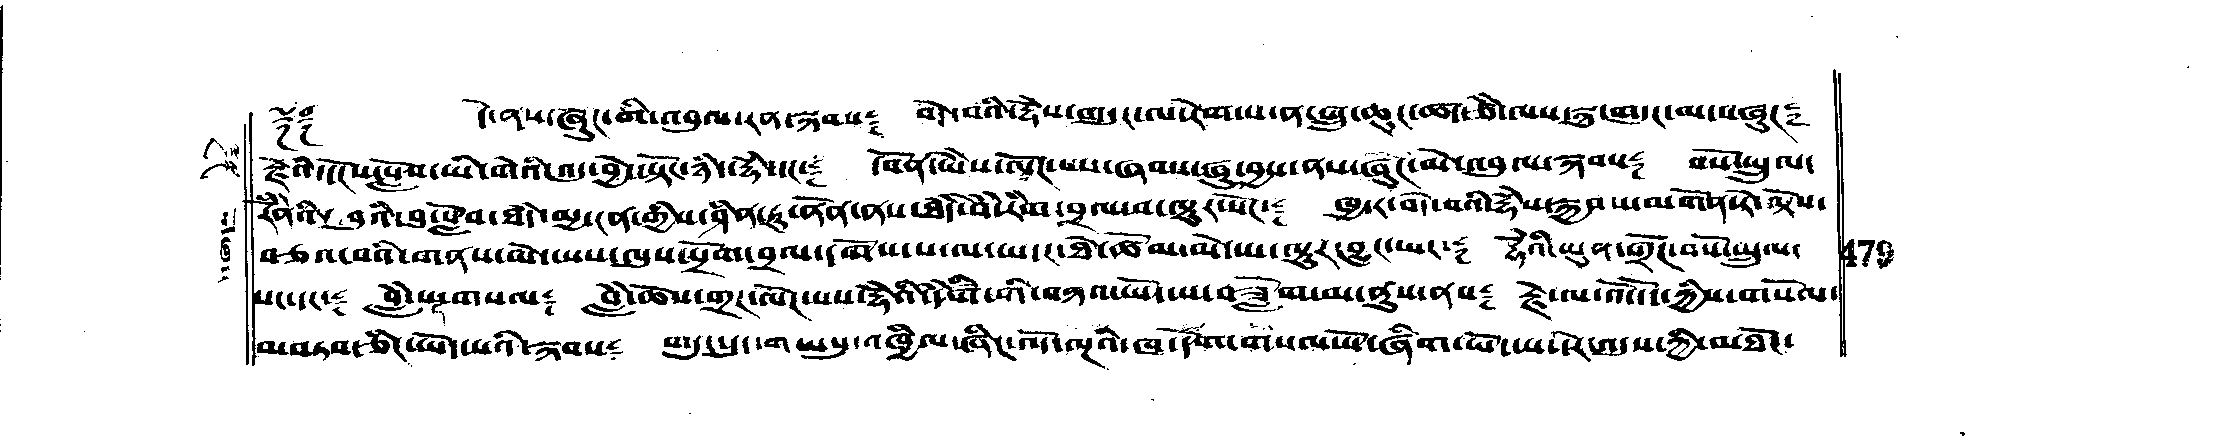དེ་ནས་ཞུགས་འབུལ་རན་སྐབས། བདེ་བའི་རྡོ་རྗེས་གདུང་ལ་རེག་པ་ན་གྲུ་ཆུང་ཚད་ཙམ་ལས་སྐུ་གདུང་མ་བཞུགས། 
རྗེའི་དངོས་སློབ་ཡི་གེའི་འདུ་བྱེད་སྟོང་ཉིད་རྡོ་རྗེ་དང་། དབོན་ཡེ་ཤེས་ལ་སོགས་པས་ཞབས་ཞུ་བྱས་ནས་ཞུགས་མེ་འབུལ་སྐབས། བསོ་སྤྲུལ་
རིན་པོ་ཆེའི་དབུས་བུ་སློབ་ཐམས་ཅད་མྱ་ངན་གྱིས་ཤིན་ཏུ་ནོན་ནས་ཐམས་ཅད་བེམ་རིག་བྲལ་བ་ལྟ་བུར་སོང་། ཁྱད་པར་བདེ་བའི་རྡོ་རྗེས་སྐྱབས་མགོན་རེ་ལྟོས་
བཅའ་བའི་གནས་མེད་པས་ལུས་སྲོག་བྲལ་དགོས་པ་ལ་ཡ་ང་ཐེ་ཚོམ་མེད་པ་ལྟ་བུར་བྱུང་ཡང་། རྡོ་རྗེའི་ཡུན་གྲོགས་བསོ་སྤྲུལ་
སང་དང་། བླ་མ་པད་གསལ། བླ་མ་ཆོས་གྲགས་ལ་སོགས་པས་རྡོ་རྗེའི་དམ་ཚིག་གི་བཀའ་ཡོད་པ་བཟློག་མ་ནུས་ནས། རྗེ་ལ་འོ་དོད་ཀྱིས་གསོལ་
བ་བཏབ་ཅིང་ཡོད་པའི་སྐབས། གདུང་དུད་གཡས་སུ་འཁྱིལ་ཞིང་འོད་ལྔའི་ཁ་དོག་གསལ་པོ་ཞིག་ཡོད་པ་དེར་འདུས་ཀྱི་མཐོང་